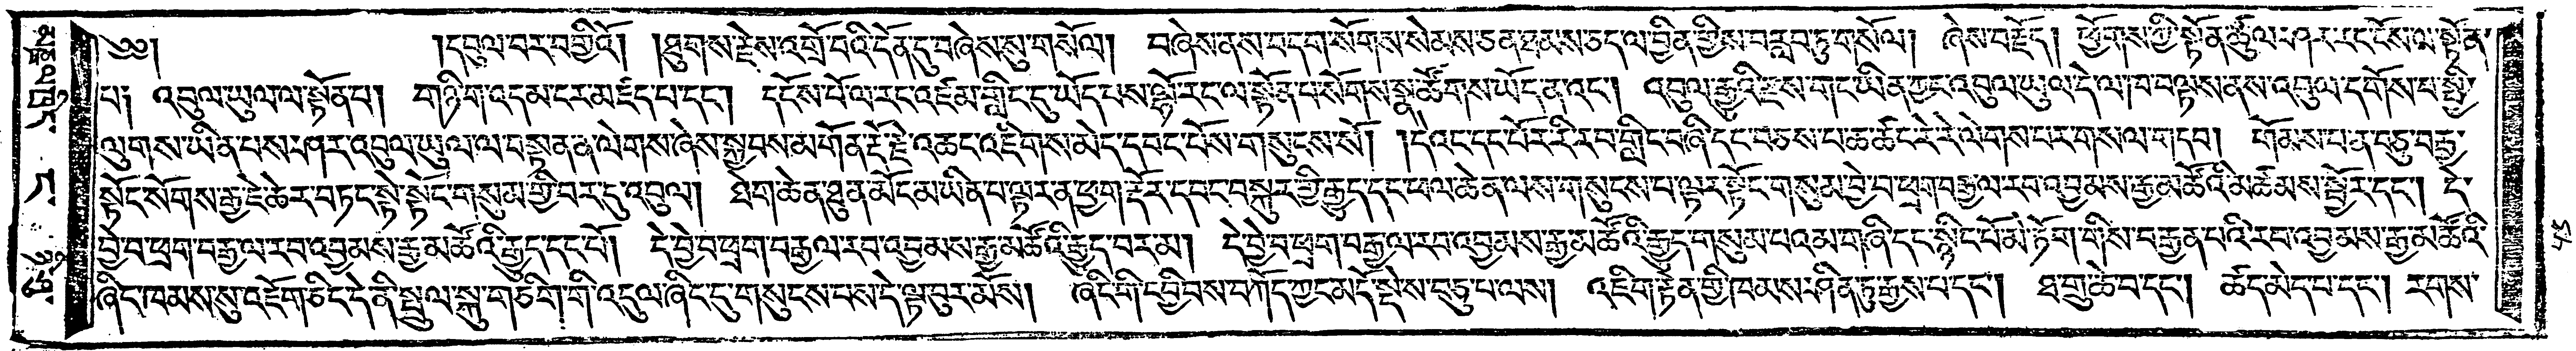༄༅། །དབུལ་བར་བགྱིའོ། །ཐུགས་རྗེས་འགྲོ་བའི་དོན་དུ་བཞེས་སུ་གསོལ། བཞེས་ནས་བདག་སོགས་སེམས་ཅན་ཐམས་ཅད་ལ་བྱིན་གྱིས་བརླབ་ཏུ་གསོལ། ཞེས་བརྗོད། ཕྱོགས་ཀྱི་སྟོན་ཚུལ་ཤར་རང་ངོས་ལ་སྟོན་
པ༑ འབུལ་ཡུལ་ལ་སྟོན་པ། གཉི་ག་འདམ་ངར་མཛད་པ་དང་། དངོས་པོ་ལ་རང་འཛམ་གླིང་དུ་ཡོད་པས་ལྷོ་རང་ལ་སྟོན་པ་སོགས་སྣ་ཚོགས་ཡོད་ནའང་། འབུལ་རྒྱུའི་རྫས་གང་ཡིན་ཀྱང་འབུལ་ཡུལ་དེ་ལ་ཁ་བལྟས་ནས་འབུལ་དགོས་པ་སྤྱི་
ལུགས་ཡིན་པས་ཤར་འབུལ་ཡུལ་ལ་བསྟན་ན་ལེགས་ཞེས་སྐྱབས་མགོན་རྡོ་རྗེ་འཆང་འཇིགས་མེད་དབང་པོས་གསུངས་སོ། །དེའང་དང་པོར་རི་རབ་གླིང་བཞི་དང་བཅས་པ་ཆ་ཚང་རེ་རེ་ལེགས་པར་གསལ་གདབ། གོམས་བན་བཅུ་བརྒྱ་
སྟོང་སོགས་རྒྱ་ཇེ་ཆེར་བཏང་སྟེ་སྟོང་གསུམ་གྱི་བར་དུ་འབུལ། ཐེག་ཆེན་ཐུན་མོང་མ་ཡིན་བ་ལྟར་ན་ཕྱག་རྡོར་དབང་བསྐུར་གྱི་རྒྱུད་དང་ཕལ་ཆེན་ལས་གསུངས་བ་ལྟར་སྟོང་གསུམ་བྱེ་བ་ཕྲག་བརྒྱ་ལ་རབ་འབྱམས་རྒྱ་མཚོའི་མཚམས་སྦྱོར་དང་། དེ་
བྱེ་བ་ཕྲག་བརྒྱ་ལ་རབ་འབྱམས་རྒྱ་མཚོའི་རྒྱུད་དང་པོ། དེ་བྱེ་བ་ཕྲག་བརྒྱལ་རབ་འབྱམས་རྒྱ་མཚོའི་རྒྱུད་བར་མ། དེ་བྱེ་བ་ཕྲག་བརྒྱ་ལ་རབ་འབྱམས་རྒྱ་མཚོའི་རྒྱུད་གསུམ་པའམ་གཞི་དང་སྙིང་པོ་མེ་ཏོག་གིས་བརྒྱན་པའི་རབ་འབྱམས་རྒྱ་མཚོའི་
ཞིང་ཁམས་སུ་འཇོག་ཅིང་དེ་ནི་སྤྲུལ་སྐུ་གཅིག་གི་འདུལ་ཞིང་དུ་གསུངས་པས་དེ་ལྟ་བུར་མོས། ཞིང་གི་དབྱིབས་བཀོད་ཀྱང་མདོ་སྡེས་བཅུ་པ་ལས། འཇིག་རྟེན་གྱི་ཁམས་ཤིན་ཏུ་རྒྱས་པ་དང་། ཐ་གྲུ་ཆེ་བ་དང་། ཚད་མེད་པ་དང་། རགས་